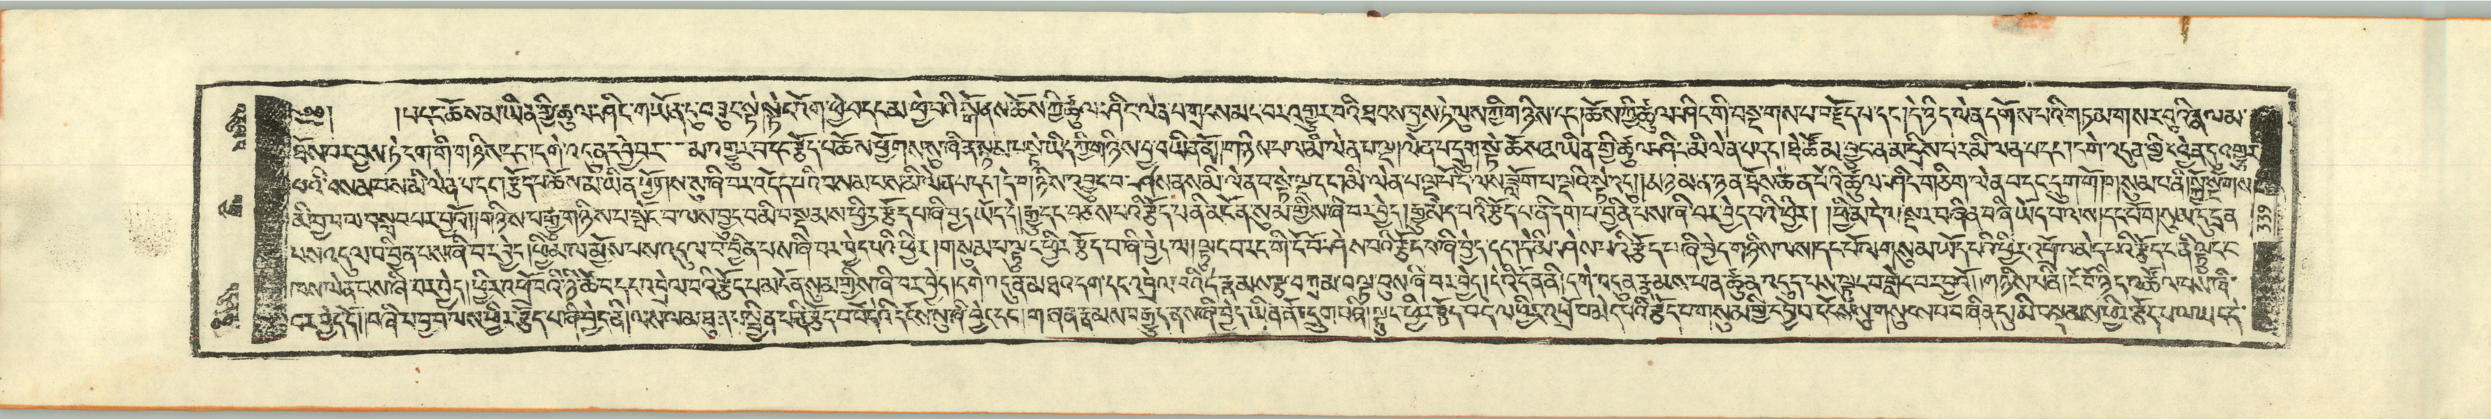༄༅། །པ་དང་ཆོས་མ་ཡིན་གྱི་ཚུལ་ཤིང་གཡོན་དུ་བཟུང་སྟེ། སྟེང་འོག་ཕྱེ་བ་དང་མ་ཕྱེ་བའི་སྒོ་ནས་ཆོས་ཀྱི་ཚུལ་ཤིང་ལེན་པ་གྲངས་མང་བར་འགྱུར་བའི་ཐབས་བྱས་ཏེ་ལུས་ཀྱི་གཉིས་དང་། ཆོས་ཀྱི་ཚུལ་ཤིང་གི་བསྔགས་པ་བརྗོད་པ་དང་། དེ་ཉིད་ལེན་དགོས་པའི་གཏམ་གསར་བུའི་རྣ་ལམ་
ཐོས་པར་བྱས་ཏེ་ངག་གི་གཉིས་དང་། དགེ་འདུན་དབྱེ་བར་མ་འགྱུར་བ་དང་རྩོད་པ་ཆོས་ཕྱོགས་སུ་ཞིན་སྙམ་པ་སྟེ་ཡིད་ཀྱི་གཉིས་བྱ་བ་ཡིན་ནོ། །གཉིས་པ་ལ་མི་ལེན་པ་ལྔ། ལེན་པ་དྲུག་སྟེ་ཆོས་མ་ཡིན་གྱི་ཚུལ་ཤིང་མི་ལེན་པ་དང་། ཐེ་ཚོམ་བྱུང་ན་མ་དྲིས་པར་མི་ལན་པ་དང་། དགེ་འདུན་གྱི་དབྱེན་དུ་འགྱུར་
པའི་བསམ་པ་མི་ལེན་པ་དང་། རྩོད་པ་ཆོས་མ་ཡིན་ཕྱོགས་སུ་ཞི་བར་འདོད་པའི་བསམ་པས་མི་ལེན་པ་དང་། དེ་གཉིས་འབྱུང་བ་ཤེས་ནས་མི་ལེན་པ་སྟེ་ལྔ་དང་། མི་ལེན་པ་ལྔ་པོ་དེ་ལས་ཟློག་པ་ལྔའི་སྟེ་འདུ། །མཉམ་ན་ཉན་ཐོས་ཆེན་པོའི་ཚུལ་ཤིང་གཅིག་ལེན་པ་དང་དྲུག་གོ། གསུམ་པ་ནི། སྐྱོ་སྔོགས་
མི་བྱ་བ་ལ་བསླབ་པར་བྱའོ། །གཉིས་པ་རྒྱུ་གཉིས་པ་སྤོང་བ་ལས་བྱུང་བ་མི་བསྡམས་ཕྱིར་རྩོད་པ་ཞི་བྱད་ཡོད་དེ། རྒྱུད་དང་བཅས་པའི་རྩོད་པ་ནི་མངོན་སུམ་གྱིས་ཞི་བར་བྱེད། རྒྱུ་མེད་པའི་རྩོད་པ་ནི་དག་པ་བྱིན་པས་ཞི་བར་བྱེད་པའི་ཕྱིར། །ཕྱི་མ་དེ་ལ་སྔར་བཞིན་བཞི་ཡོད་པ་ལས། དང་པོ་གསུམ་དུ་དྲན་
པས་འདུལ་བ་བྱིན་པས་ཞི་བར་བྱེད། ཕྱི་མ་ལ་མྱོས་པས་འདུལ་བ་བྱིན་པས་ཞི་བར་བྱེད་པའི་ཕྱིར། གསུམ་པ་ལྟུང་ཕྱིར་རྩོད་པ་ཞི་བྱེད་ལ། ལྟུང་བ་རང་གི་ངོ་བོ་ཤེས་བའི་རྩོད་པ་ཞི་བྱེད་དང་། དེ་མི་ཤེས་པའི་རྩོད་པ་ཞི་བྱེད་གཉིས་ལས། དང་པོ་ལ་གསུམ་ཡོད་པའི་ཕྱིར་འཕྲོ་བ་མེད་པའི་རྩོད་པ་ནི་ལྟུང་བ་
ཁས་ལེན་པས་ཞི་བར་བྱེད། ཕྱིར་འཕྲོ་བའི་ཉི་ཚེ་བ་དང་འབྲེལ་བའི་རྩོད་པ་མངོན་སུམ་གྱིས་ཞི་བར་བྱེད། དགེ་འདུན་མཐའ་དག་དང་འབྲེལ་བའི་དེ་རྣམས་རྩ་བཀྲམ་བལྟ་བུས་ཞི་བར་བྱེད། དེའི་དོན་ནི། དགེ་འདུན་རྣམས་ཕན་ཚུན་འདུད་པས་ལྟུང་བ་གླེང་བར་བྱའོ། །གཉིས་པ་ནི། ངོ་བོ་ཉིད་འཚོལ་བས་ཞི་
བར་བྱེད་དོ། །བཞི་པ་བྱ་བ་ལས་ཕྱིར་རྩོད་པ་ཞི་བྱེད་ནི། ལས་ལ་མཐུན་པ་སྦྱིན་པ་ནི་རྩོད་པ་པོ་དེའི་དངོས་སུ་ཞི་བྱེད་དང་། གཞན་རྣམས་བརྒྱུད་ནས་ཞི་བྱེད་ཡིན་ནོ་དྲུག་བཞི། ལྟུང་ཕྱིར་རྩོད་པ་དེ་ལ་ཕྱིར་འཕྲོ་བ་མེད་པའི་རྩོད་པ་གསུམ་གྱི་དབྱེ་བ་དངོས་སུ་གསུངས་པ་བཞིན་དུ། མི་བསྡམས་ཕྱིར་རྩོད་པ་ལ་ཡང་དེ་